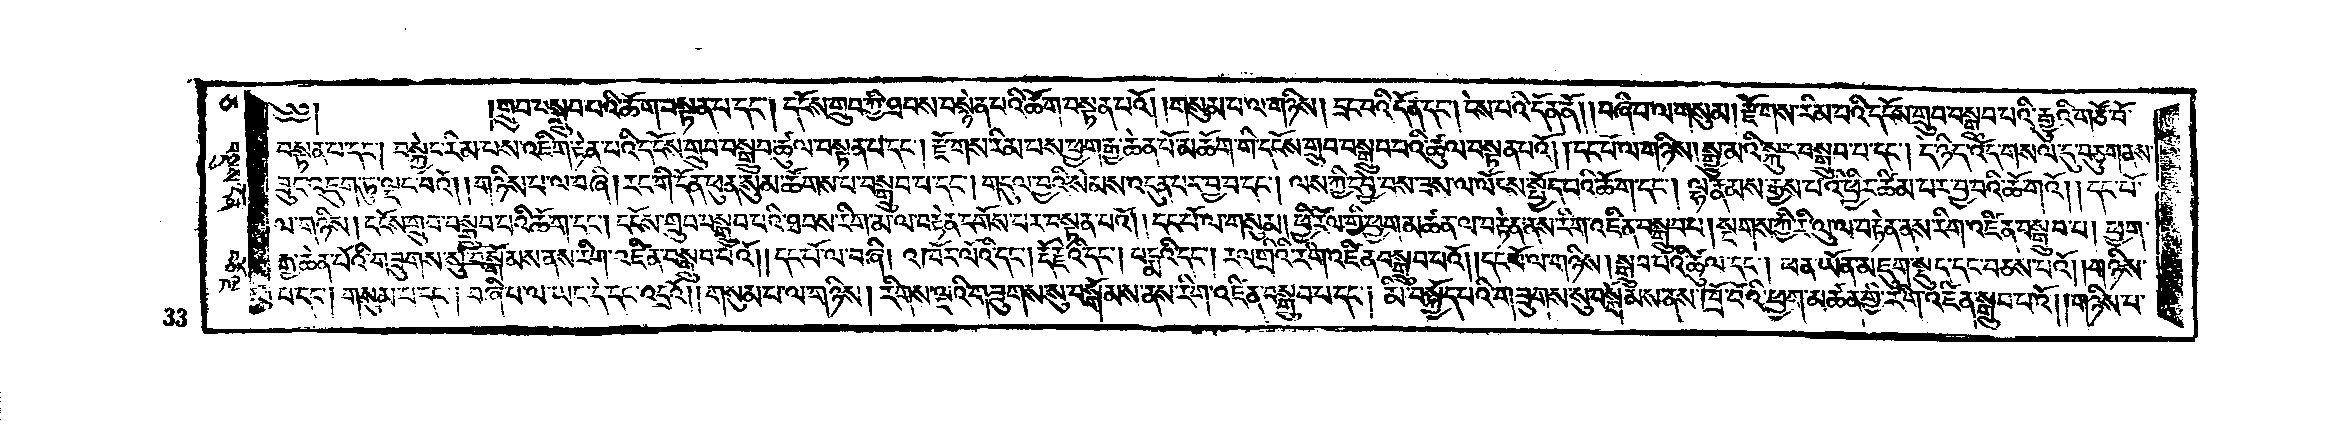༄༅། །གྲུབ་བསྒྲུབ་པའི་ཆོ་ག་བསྟན་པ་དང་། དངོས་གྲུབ་ཀྱི་ཐབས་བསྙེན་པའི་ཆོ་ག་བསྟན་པའོ། །གསུམ་པ་ལ་གཉིས། དྲང་བའི་དོན་དང་། ངེས་པའི་དོན་ནོ། །བཞི་པ་ལ་གསུམ། རྫོགས་རིམ་པའི་དངོས་གྲུབ་བསྒྲུབ་པའི་རྒྱུའི་གཙོ་བོ་
བསྟན་པ་དང་། བསྐྱེད་རིམ་པས་འཇིག་རྟེན་པའི་དངོས་གྲུབ་བསྒྲུབ་ཚུལ་བསྟན་པ་དང་། རྫོགས་རིམ་པས་ཕྱག་རྒྱ་ཆེན་པོ་མཆོག་གི་དངོས་གྲུབ་བསྒྲུབ་པའི་ཚུལ་བསྟན་པའོ། །དང་པོ་ལ་གཉིས། སྒྱུ་མའི་སྐུར་བསྒྲུབ་པ་དང་། དེ་ཉིད་འོད་གསལ་དུ་བཅུག་ནས་ཟུང་འཇུག་ཏུ་ལྡང་བའོ། །གཉིས་པ་ལ་བཞི། རང་གི་དོན་ཕུན་སུམ་ཚོགས་པ་བསྒྲུབ་པ་དང་། གདུལ་བྱའི་སེམས་འདུན་པར་བྱ་བ་དང་། ལས་ཀྱི་དབྱེ་བས་ཟས་ལ་ལོངས་སྤྱོད་པའི་ཆོ་ག་དང་། ལྷ་རྣམས་རྒྱས་པའི་ཕྱིར་ཚིམ་པར་བྱ་བའི་ཆོ་གའོ། །དང་པོ་
ལ་གཉིས། དངོས་གྲུབ་བསྒྲུབ་པའི་ཆོ་ག་དང་། དངོས་གྲུབ་བསྒྲུབ་པའི་ཐབས་རིག་མ་ལ་བརྟེན་དགོས་པར་བསྟན་པའོ། །དང་པོ་ལ་གསུམ། ཕྱི་རོལ་གྱི་ཕྱག་མཚན་ལ་བརྟེན་ནས་རིག་འཛིན་བསྒྲུབ་པ། སྔགས་ཀྱི་རི་ལུ་ལ་བརྟེན་ནས་རིག་འཛིན་བསྒྲུབ་པ། ཕྱག་
རྒྱ་ཆེན་པོའི་གཟུགས་སུ་བསྒོམས་ནས་རིག་འཛིན་བསྒྲུབ་པའོ། །དང་པོ་ལ་བཞི། འཁོར་ལོའི་དང་། རྡོ་རྗེའི་དང་། པདམའི་དང་། རལ་གྲིའི་རིག་འཛིན་བསྒྲུབ་པའོ། །དང་པོ་ལ་གཉིས། སྒྲུབ་པའི་ཚུལ་དང་། ཕན་ཡོན་མཇུག་སྡུད་དང་བཅས་པའོ། །གཉིས་
པ་དང་། གསུམ་པ་དང་། བཞི་པ་ལ་ཡང་དེ་དང་འདྲའོ། །གསུམ་པ་ལ་གཉིས། རིགས་ལྔའི་གཟུགས་སུ་བསྒོམས་ནས་རིག་འཛིན་བསྒྲུབ་པ་དང་། མི་བསྐྱོད་པའི་གཟུགས་སུ་བསྒོམས་ནས་ཁྲོ་བོའི་ཕྱག་མཚན་གྱི་རིག་འཛིན་སྒྲུབ་པའོ། །གཉིས་པ་